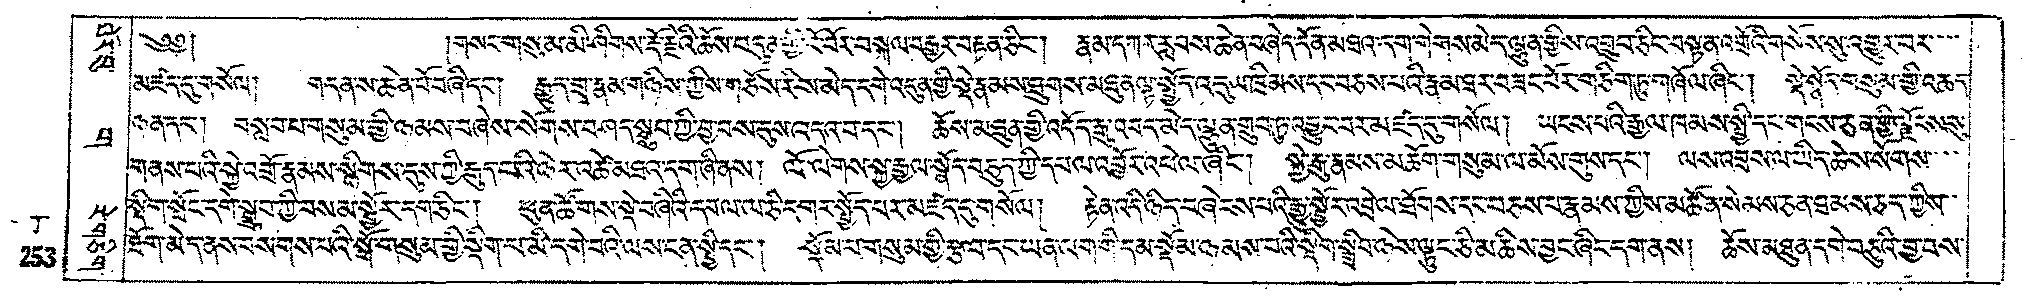༄༅། །གསང་གསུམ་མི་ཤིགས་རྡོ་རྗེའི་ཆོས་བདུན་གྱི་ངོ་བོར་བསྐལ་བརྒྱར་བརྟན་ཅིང་། རྣམ་དཀར་རླབས་ཆེན་བཞེད་དོན་མཐའ་དག་གེགས་མེད་ལྷུན་གྱིས་འགྲུབ་ཅིང་བསྟན་འགྲོའི་གསོས་སུ་འགྱུར་བར་་་
མཛད་དུ་གསོལ། གདན་ས་ཆེན་པོ་བཞི་དང་། རྒྱུད་གྲྭ་རྣམ་གཉིས་ཀྱིས་གཙོས་རིས་མེད་དགེ་འདུན་གྱི་སྡེ་རྣམས་ཐུགས་མཐུན་ལྟ་སྤྱོད་འདུལ་ཁྲིམས་དང་བཅས་པའི་རྣམ་ཐར་བཟང་པོར་གཅིག་ཏུ་གཞོལ་ཞིང་། སྡེ་སྣོད་གསུམ་གྱི་འཆད་
ཉན་དང་། བསླབ་པ་གསུམ་གྱི་ཉམས་བཞེས་སོགས་བཤད་སྒྲུབ་ཀྱི་བྱ་བས་དུས་འདའ་བ་དང་། ཆོས་མཐུན་གྱི་འདོད་རྒུ་འབད་མེད་ལྷུན་གྲུབ་ཏུ་འབྱུང་བར་མཛད་དུ་གསོལ། ཡངས་པའི་རྒྱལ་ཁམས་སྤྱི་དང་གངས་ཅན་གྱི་ལྗོངས་སུ་
གནས་པའི་སྐྱེ་འགྲོ་རྣམས་སྙིགས་དུས་ཀྱི་རྒུད་པའི་ཉེར་འཚེ་མཐའ་དག་ཞི་ནས། ལོ་ལེགས་སྐྱ་རྒྱལ་སྣོད་བཅུད་ཀྱི་དཔལ་འབྱོར་འཕེལ་ཞིང་། སྐྱེ་རྒུ་རྣམས་མཆོག་གསུམ་ལ་མོས་གུས་དང་། ལས་འབྲས་ལ་ཡིད་ཆེས་སོགས་་་
སྡིག་སྤོང་དགེ་སྒྲུབ་ཀྱི་བསམ་སྦྱོར་དག་ཅིང་། ཕུན་ཚོགས་སྡེ་བཞིའི་དཔལ་ལ་ཅི་དགར་སྤྱོད་པར་མཛད་དུ་གསོལ། རྟེན་འདི་ཉིད་བཞེངས་པའི་རྒྱུ་སྦྱོར་འབྲེལ་ཐོགས་དང་བཅས་པ་རྣམས་ཀྱིས་མཚོན་སེམས་ཅན་ཐམས་ཅད་ཀྱིས་་་
ཐོག་མེད་ནས་བསགས་པའི་སྒོ་གསུམ་གྱི་སྡིག་པ་མི་དགེ་བའི་ལས་ངན་སྤྱི་དང་། སྡོམ་པ་གསུམ་གྱི་རྩ་བ་དང་ཡན་ལག་གི་དམ་སྡོམ་ཉམས་པའི་སྡིག་སྒྲིབ་ཉེས་ལྟུང་ཅི་མཆིས་བྱང་ཞིང་དག་ནས། ཆོས་མཐུན་དགེ་བཅུའི་བྱ་བས་